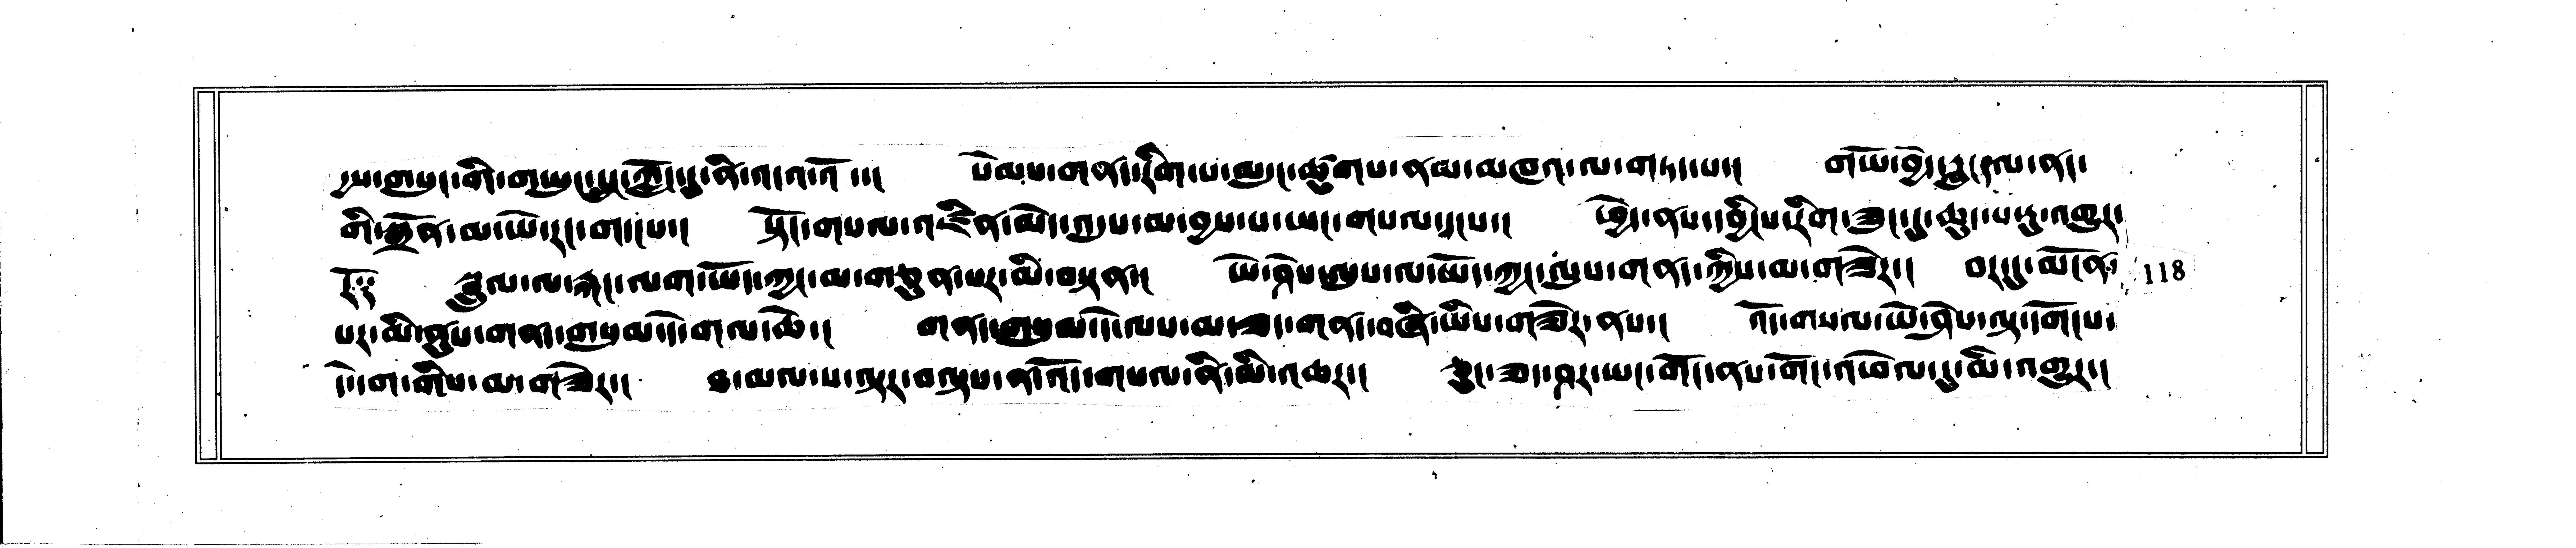རྒྱས་གསུང་གི་གཡུང་དྲུང་ཀློང་དུ་ནི་འདའ་འོ། །སེམས་གནད་རིག་པ་མདུང་ཚུགས་ནམ་མཁའ་ལ་གཏད་པ། །གཡོ་བྱེད་རླུང་དལ་ནང་
གི་སྒྲོན་མ་ཡི་རང་གདངས། །སྟོང་གསལ་འཛིན་མེད་འདུས་མ་བྱས་པ་ཡང་གསལ་དྭངས། །ཕྱེད་ནས་དབྱིངས་རིག་ཟུང་དུ་ཆུད་པ་རུ་འགྱུར་
རོ། །སྦྲུལ་ལ་རྐང་ལག་ཡོད་ཀྱང་མ་གཅུན་པར་མི་བསྟན། །ཡེ་ཤེས་ལུས་ལ་ཡོད་ཀྱང་ལུས་གནད་ཀྱིས་མ་གཟེར། །བར་དུ་མངོན་
པར་མི་ནུས་གནད་གསུམ་དེ་གལ་ཆེ། །གནད་གསུམ་དེ་ལས་མ་ཟད་གནད་བཞི་ཡིས་གཟེར་ནས། །འོད་གསལ་ཡེ་ཤེས་ལྟ་དགོངས་
དེ་དག་གིས་མ་གཟེར། །ཐ་མལ་པ་ལྟར་བལྟས་ན་འོད་གསལ་ནི་མི་འཆར། །ཅུང་ཟད་ཤར་ཡང་གོང་ནས་གོང་འཕེལ་ཡང་མི་འགྱུར། །